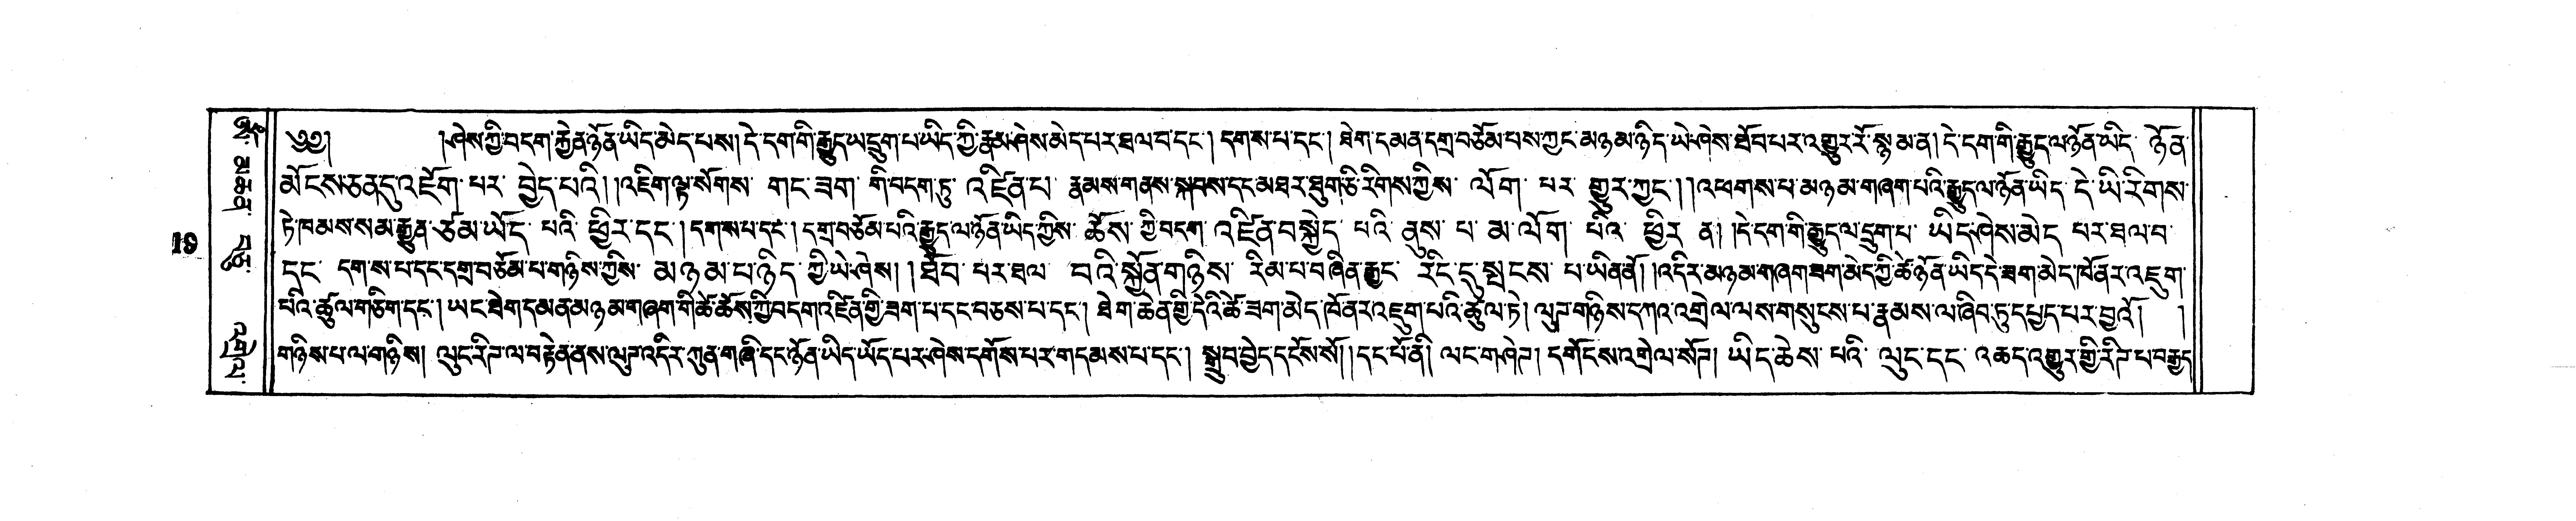༄༅། །ཤེས་ཀྱི་བདག་རྐྱེན་ཉོན་ཡིད་མེད་པས། དེ་དག་གི་རྒྱུད་ཡ་དྲུག་པ་ཡིད་ཀྱི་རྣམ་ཤེས་མེད་པར་ཐལ་བ་དང་། དགས་པ་དང་། ཐེག་དམན་དགྲ་བཅོམ་པས་ཀྱང་མཉམ་ཉིད་ཡེ་ཤེས་ཐོབ་པར་འགྱུར་རོ་སྙམ་ན། དེ་དག་གི་རྒྱུད་ལ་ཉོན་ཡིད་ཉོན་
མོངས་ཅན་དུ་འཇོག་པར་བྱེད་པའི། །འཇིག་ལྟ་སོགས་གང་ཟག་གི་བདག་ཏུ་འཛིན་པ་རྣམས་གནས་སྐབས་དང་མཐར་ཐུག་ཅི་རིགས་ཀྱིས་ལོག་པར་གྱུར་ཀྱང་། །འཕགས་པ་མཉམ་གཞག་པའི་རྒྱུད་ལ་ཉོན་ཡིད་དེ་ཡི་རིགས་
ཏེ་ཁམས་སམ་རྒྱུན་ཙམ་ཡོད་པའི་ཕྱིར་དང་། དག་ས་པ་དང་། དགྲ་བཅོམ་པའི་རྒྱུད་ལ་ཉོན་ཡིད་ཀྱིས་ཆོས་ཀྱི་བདག་འཛིན་བསྐྱེད་པའི་ནུས་པ་མ་ལོག་པའི་ཕྱིར་ན། །དེ་དག་གི་རྒྱུད་ལ་དྲུག་པ་ཡིད་ཤེས་མེད་པར་ཐལ་བ་
དང་དག་ས་པ་དང་དགྲ་བཅོམ་པ་གཉིས་ཀྱིས་མཉམ་པ་ཉིད་ཀྱི་ཡེ་ཤེས། །ཐོབ་པར་ཐལ་བའི་སྐྱོན་གཉིས་རིམ་པ་བཞིན་རྒྱང་རིང་དུ་སྤངས་པ་ཡིན་ནོ། །འདིར་མཉམ་གཞག་ཟག་མེད་ཀྱི་ཚེ་ཉོན་ཡིད་དེ་ཟག་མེད་ཁོ་ནར་འཇུག་
པའི་ཚུལ་གཅིག་དང་། ཡང་ཐེག་དམན་མཉམ་གཞག་གི་ཚེ་ཆོས་ཀྱི་བདག་འཛིན་གྱི་ཟག་པ་དང་བཅས་པ་དང་། ཐེག་ཆེན་གྱི་དེའི་ཚེ་ཟག་མེད་ཁོ་ནར་འཇུག་པའི་ཚུལ་ཏེ། ལུགས་གཉིས་དཀའ་འགྲེལ་ལས་གསུངས་པ་རྣམས་ལ་ཞིབ་ཏུ་དཔྱད་པར་བྱའོ། །
གཉིས་པ་ལ་གཉིས། ལུང་རིགས་ལ་བརྟེན་ནས་ལུགས་འདིར་ཀུན་གཞི་དང་ཉོན་ཡིད་ཡོད་པར་ཤེས་དགོས་པར་གདམས་པ་དང་། སྒྲུབ་བྱེད་དངོས་སོ། །དང་པོ་ནི། ལང་གཤེགས། དགོངས་འགྲེལ་སོགས། ཡིད་ཆེས་པའི་ལུང་དང་འཆད་འགྱུར་གྱི་རིགས་པ་བརྒྱད་